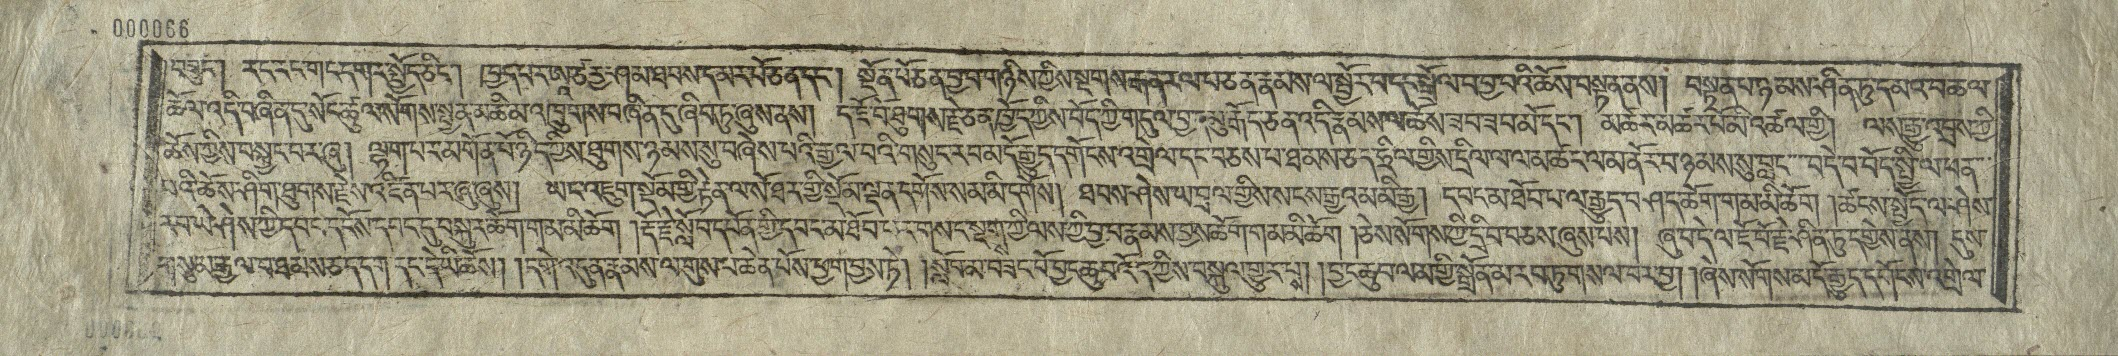བཟུང་། རང་རང་གང་དགར་སྤྱོད་ཅིང་། ཁྱད་པར་ཨཱ་ཙརྱ་ཤམ་ཐབས་དམར་པོ་ཅན་དང་། སྔོན་པོ་ཅན་བྱ་བ་གཉིས་ཀྱིས་སྔགས་རྒན་རལ་པ་ཅན་རྣམས་ལ་སྦྱོར་བ་དང་སྒྲོལ་བ་བྱ་བའི་ཆོས་བསྟན་ནས། བསྟན་པ་ཉམས་ཤིན་ཏུ་དམའ་བ་ཆ་ལ་
ཆོལ་འདི་བཞིན་དུ་སོང་ཚུལ་སོགས་སྤྱན་མཆི་མ་འཁྲུགས་བཞིན་དུ་ཞིབ་ཏུ་ཞུས་ནས། ད་ཇོ་བོ་ཐུགས་རྗེ་ཅན་ཁྱོད་ཀྱིས་བོད་ཀྱི་གདུལ་བྱ་དམུ་རྒོད་ཅན་འདི་རྣམས་ལ་ཆོས་ཟབ་ཟབ་མོ་དང་། མཚར་མཚར་པོ་མི་འཚལ་གྱི། ལས་རྒྱུ་འབྲས་ཀྱི་
ཆོས་ཀྱིས་བསྐྱང་བར་ཞུ། ལྷག་པར་མགོན་པོ་ཉིད་ཀྱིས་ཐུགས་ཉམས་སུ་བཞེས་པའི་རྒྱལ་བའི་གསུང་རབ་མདོ་རྒྱུད་དགོངས་འགྲེལ་དང་བཅས་པ་ཐམས་ཅད་ཧྲིལ་གྱིས་དྲིལ་ལ་ལ་མ་ཚང་ལ་མ་ནོར་བ་ཉམས་སུ་བླང་བདེ་བ་བོད་སྤྱི་ལ་ཕན་
པའི་ཆོས་ཤིག་ཐུགས་རྗེས་འཛིན་པར་ཞུ་ཞུས། ཡང་འཇུག་སྡོམ་གྱི་རྟེན་ལ་སོ་ཐར་གྱི་སྡོམ་ལྡན་དགོས་སམ་མི་དགོས། ཐབས་ཤེས་ཡ་བྲལ་གྱིས་སངས་རྒྱའམ་མི་རྒྱ། དབང་མ་ཐོབ་པ་ལ་རྒྱུད་བཤད་ཆོག་གམ་མི་ཆོག །ཚངས་སྤྱོད་ལ་ཤེས་
རབ་ཡེ་ཤེས་ཀྱི་དབང་དངོས་དབང་དུ་བསྐུར་ཆོག་གམ་མི་ཆོག །རྡོ་རྗེ་སློབ་དཔོན་གྱི་དབང་མ་ཐོབ་པར་གསང་སྔགས་ཀྱི་ལས་ཀྱི་བྱ་བ་རྣམས་བྱས་ཆོག་གམ་མི་ཆོག །ཅེས་སོགས་ཀྱི་དྲི་བ་བཅས་ཞུས་པས། ཞུ་བ་དེ་ལ་ཇོ་བོ་རྗེ་ཤིན་ཏུ་དགྱེས་ནས། དུས་
གསུམ་རྒྱལ་བ་ཐམས་ཅད་དག་དང་དེ་ཡི་ཆོས། །དགེ་འདུན་རྣམས་ལ་གུས་པ་ཆེན་པོས་ཕྱག་བྱས་ཏེ། །སློབ་མ་བཟང་པོ་བྱང་ཆུབ་འོད་ཀྱིས་བསྐུལ་གྱུར་བས། །བྱང་ཆུབ་ལམ་གྱི་སྒྲོན་མ་རབ་ཏུ་གསལ་བར་བྱ། །ཞེས་སོགས་མདོ་རྒྱུད་དགོངས་འགྲེལ་